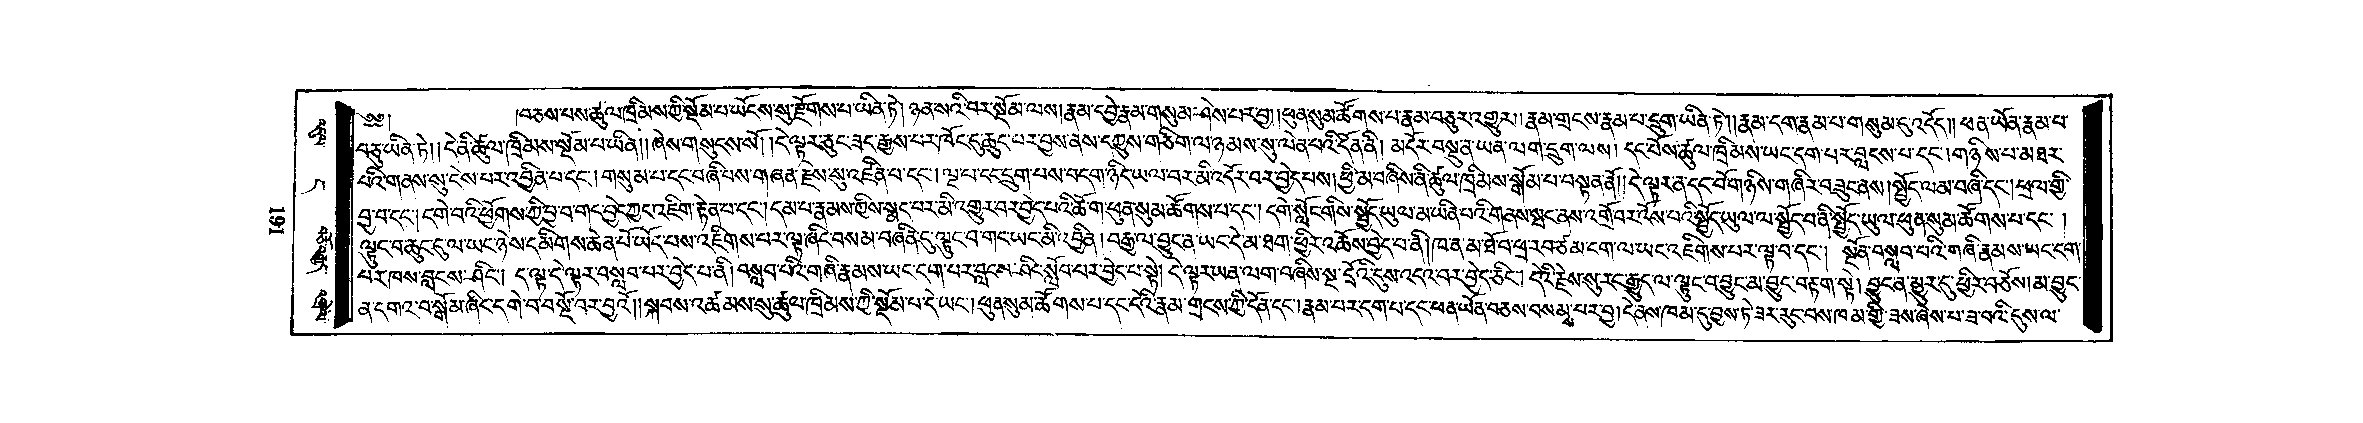༄༅། །བཅས་པས་ཚུལ་ཁྲིམས་ཀྱི་སྡོམ་པ་ཡོངས་སུ་རྫོགས་པ་ཡིན་ཏེ། ཉན་སའི་བར་སྡོམ་ལས། རྣམ་དབྱེ་རྣམ་གསུམ་ཤེས་པར་བྱ། །ཕུན་སུམ་ཚོགས་པ་རྣམ་བཅུར་འགྱུར། །རྣམ་གྲངས་རྣམ་པ་དྲུག་ཡིན་ཏེ། །རྣམ་དག་རྣམ་པ་གསུམ་དུ་འདོད། །ཕན་ཡོན་རྣམ་པ་
བཅུ་ཡིན་ཏེ། །དེ་ནི་ཚུལ་ཁྲིམས་སྡོམ་པ་ཡིན། །ཞེས་གསུངས་སོ། །དེ་ལྟར་ཅུང་ཟད་རྒྱས་པར་ཁོང་དུ་ཆུད་པར་བྱས་ནས་དཀྱུས་གཅིག་ལ་ཉམས་སུ་ལེན་པའི་དོན་ནི། མདོར་བསྡུ་ན་ཡན་ལག་དྲུག་ལས། དང་པོས་ཚུལ་ཁྲིམས་ཡང་དག་པར་བླངས་པ་དང་། གཉིས་པ་མཐར་
པའི་གནས་སུ་ངེས་པར་འབྱིན་པ་དང་། གསུམ་པ་དང་བཞི་པས་གཞན་རྗེས་སུ་འཛིན་པ་དང་། ལྔ་པ་དང་དྲུག་པས་བདག་ཉིད་ཡལ་བར་མི་འདོར་བར་བྱེད་པས། ཕྱི་མ་བཞིས་ནི་ཚུལ་ཁྲིམས་སྒོམ་པ་བསྟན་ནོ། །དེ་ལྟར་ན་དང་པོ་གཉིས་གཞིར་བཟུང་ནས། སྤྱོད་ལམ་བཞི་དང་། ཕྲལ་གྱི་
བྱ་བ་དང་། དགེ་བའི་ཕྱོགས་ཀྱི་བྱ་བ་གང་བྱེད་ཀྱང་འཇིག་རྟེན་པ་དང་། དམ་པ་རྣམས་ཀྱིས་སྨད་པར་མི་འགྱུར་བར་བྱེད་པའི་ཆོ་ག་ཕུན་སུམ་ཚོགས་པ་དང་། དགེ་སློང་གིས་སྤྱོད་ཡུལ་མ་ཡིན་པའི་གནས་སྤང་ནས་འགྲོ་བར་འོས་པའི་སྤྱོད་ཡུལ་ལ་སྤྱོད་པ་ནི་སྤྱོད་ཡུལ་ཕུན་སུམ་ཚོགས་པ་དང་།
ལྟུང་བ་ཆུང་ངུ་ལ་ཡང་ཉེས་དམིགས་ཆེན་པོ་ཡོད་པས་འཇིགས་པར་ལྟ་ཞིང་བསམ་བཞིན་དུ་ལྟུང་བ་གང་ཡང་མི་འབྱིན། བརྒྱ་ལ་བྱུང་ན་ཡང་དེ་མ་ཐག་ཕྱིར་འཆོས་བྱེད་པ་ནི། ཁ་ན་མ་ཐོ་བ་ཕྲ་རབ་ཙམ་ངག་ལ་ཡང་འཇིགས་པར་ལྟ་བ་དང་། སྔོན་བསླབ་པའི་གཞི་རྣམས་ཡང་དག་
པར་ཁས་བླངས་ཤིང་། ད་ལྟ་དེ་ལྟར་བསླབ་པར་བྱེད་པ་ནི། བསླབ་པའི་གཞི་རྣམས་ཡང་དག་པར་བླངས་ཤིང་སློབ་པར་བྱེད་པ་སྟེ། དེ་ལྟར་ཡན་ལག་བཞིས་སྔ་དྲོའི་དུས་འདའ་བར་བྱེད་ཅིང་། དེའི་རྗེས་སུ་རང་རྒྱུད་ལ་ལྟུང་བ་བྱུང་མ་བྱུང་བརྟག་སྟེ། བྱུང་ན་མྱུར་དུ་ཕྱིར་བཅོས། མ་བྱུང་
ན་དགའ་བ་སྒོམ་ཞིང་དགེ་བ་བསྔོ་བར་བྱའོ། །སྐབས་འཚམས་སུ་ཚུལ་ཁྲིམས་ཀྱི་སྡོམ་པ་དེ་ཡང་། ཕུན་སུམ་ཚོགས་པ་དང་དེའི་རྣམ་གྲངས་ཀྱི་དོན་དང་། རྣམ་པར་དག་པ་དང་ཕན་ཡོན་བཅས་བསམས་པར་བྱ། དེ་ནས་ཁམ་དུ་བྱས་ཏེ་ཟར་རུང་བས་ཁམ་གྱི་ཟས་ཞེས་པ་ཟ་བའི་དུས་ལ་